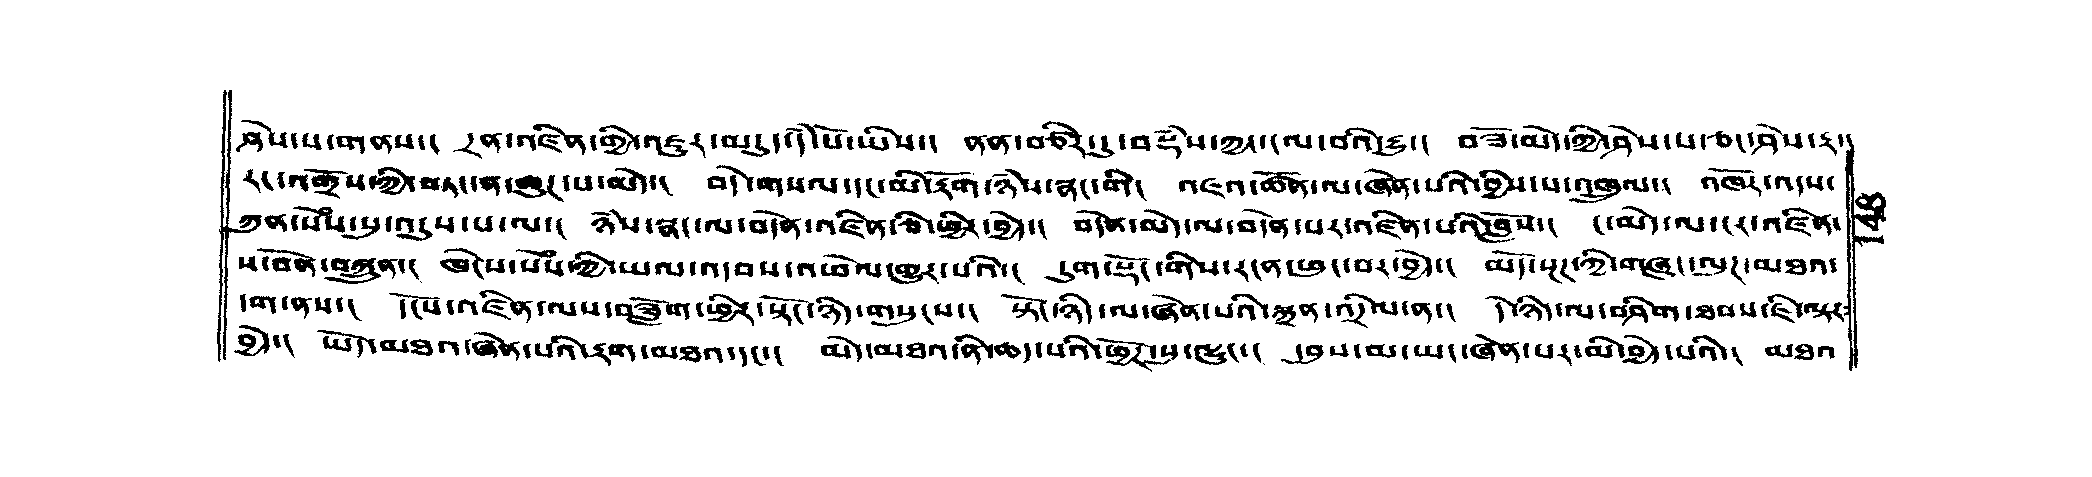ཤེས་པ་གནས། །དྲན་འཛིན་གྱི་འཇུར་བདུད་དམ་པོ་ཡིས། །ནན་བཙིར་དུ་བསྡམས་ཀྱང་ངལ་བའི་རྒྱུ། །བཟོ་མེད་ཀྱི་ཤེས་པ་ཅང་ཤེས་རྟ། །
རང་འགྲོས་ཀྱི་བཏང་ན་ཆུགས་ས་མེད། །བདེ་གསལ་དང་མི་རྟོག་ཉམས་སྣང་གི།འཇའ་ཚོན་ལ་ཞེན་པའི་བྱིས་པ་འཁྲུལ། །འཁོར་འདས་
ཀུན་སེམས་སུ་འདུས་པ་ལ། །ཉམས་སྣང་ལ་བདེན་འཛིན་ཅི་ཕྱིར་བྱེད། །བདེན་མེད་ལ་བདེན་པར་འཛིན་པའི་བློས། །ང་མེད་ལ་ངར་འཛིན་
ས་བོན་བསྐྲུན། །ཁེངས་སེམས་ཀྱི་ཡལ་འདབས་འཕེལ་གྱུར་པའི། །དུག་སྡོང་གིས་རང་གཞན་ཕུང་བར་བྱེད། །མདོ་སྔགས་ཀྱི་གཞུང་ལུགས་མཐའ་
དག་ནས། །དངོས་འཛིན་ལས་བཟློག་ཕྱིར་སྟོང་ཉིད་གསུངས། །སྟོང་ཉིད་ལ་ཞེན་པའི་སྐྲན་འདྲིལ་ན། །དེ་ཉིད་ལ་བཤིག་ཐབས་ཇི་ལྟར་
བྱེད། །ཡོད་མཐའ་ཞེན་པའི་རྟག་མཐའ་དང་། །མེད་མཐའ་ནི་ཆད་པའི་ཕྱོགས་སུ་ལྷུང་། །དབུས་མ་ཡང་ཞེན་པར་མི་བྱེད་པའི། །མཐའ་